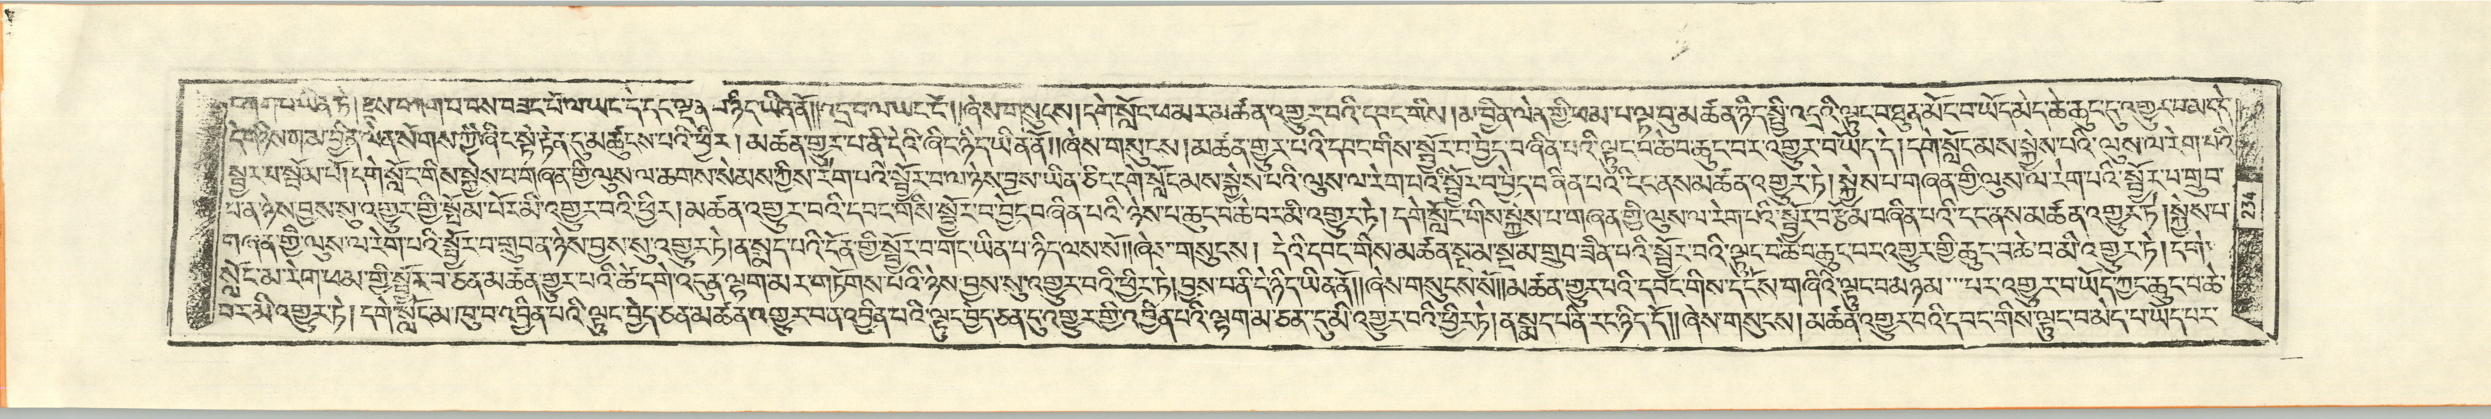བཀག་པ་ཡིན་ཏེ། རྫས་བཀག་པ་བས་བཟང་པོ་ལ་ཡང་དེ་དང་ལྡན་པ་ཉིད་ཡིན་ནོ། །འདྲ་བ་ལ་ཡང་ངོ། །ཞེས་གསུངས། དགེ་སློང་ཕ་མར་མཚན་འགྱུར་བའི་དབང་གིས། མ་བྱིན་ལེན་གྱི་ཕམ་པ་ལྟ་བུ་མཚན་ཉིད་སྤྱི་འདྲའི་ལྟུང་བ་ཐུན་མོང་བ་ཡོད་མེད་ཆེ་ཆུང་དུ་འགྱུར་བ་མེད་དེ་
དེ་གཉིས་ག་མ་བྱིན་ལེན་སོགས་ཀྱི་ཞིང་སྟེ་རྟེན་དུ་མཚུངས་པའི་ཕྱིར། མཚན་གྱུར་པ་ནི་དེའི་ཞིང་ཉིད་ཡིན་ནོ། །ཞེས་གསུངས། མཚན་གྱུར་པའི་དབང་གིས་སྦྱོར་བ་བྱེད་བཞིན་པའི་ལྟུང་བ་ཆེ་བ་ཆུང་བར་འགྱུར་བ་ཡོད་དེ། དགེ་སློང་མས་སྐྱེས་པའི་ལུས་ལ་རེག་པའི་
སྦྱར་པ་སྦོམ་པོ། དགེ་སློང་གིས་སྐྱེས་པ་གཞན་གྱི་ལུས་ལ་ཆགས་སེམས་ཀྱིས་རེག་པའི་སྦྱོར་བ་ལ་ཉེས་བྱས་ཡིན་ཅིང་དགེ་སློང་མས་སྐྱེས་པའི་ལུས་ལ་རེག་པའི་སྦྱོར་བ་བྱེད་བཞིན་པའི་དིང་ནས་མཚན་འགྱུར་ཏེ། སྐྱེས་པ་གཞན་གྱི་ལུས་ལ་རེག་པའི་སྦྱོར་པ་གྲུབ་
པ་ན་ཉེས་བྱས་སུ་འགྱུར་གྱི་སྤོམ་པོར་མི་འགྱུར་བའི་ཕྱིར། མཚན་འགྱུར་བའི་དབང་གིས་སྦྱོར་བ་བྱེད་བཞིན་པའི་ཉེས་པ་ཆུང་བ་ཆེ་བར་མི་འགྱུར་ཏེ། དགེ་སློང་གིས་སྐྱེས་པ་གཞན་གྱི་ལུས་ལ་རེག་པའི་སྦྱོར་བ་རྩོམ་བཞིན་པའི་ངང་ནས་མཚན་འགྱུར་ཏེ། སྐྱེས་པ་
གཞན་གྱི་ལུས་ལ་རེག་པའི་སྦྱོར་བ་གྲུབ་ན་ཉེས་བྱས་སུ་འགྱུར་ཏེ། ན་སྨད་པའི་དོན་གྱི་སྦྱོར་བ་གང་ཡིན་པ་ཉིད་ལས་སོ། །ཞེས་གསུངས། དེའི་དབང་གིས་མཚན་སྔ་མ་སྔ་མ་གྲུབ་ཟིན་པའི་སྦྱོར་བའི་ལྟུང་བ་ཆེ་བ་ཆུང་བར་འགྱུར་གྱི་ཆུང་བ་ཆེ་བ་མི་འགྱུར་ཏེ། དགེ་
སློང་མ་རེག་ཕམ་གྱི་སྦྱོར་བ་ཅན་མཚན་གྱུར་པའི་ཚེ་དགེ་འདུན་ལྷག་མར་གཏོགས་པའི་ཉེས་བྱས་སུ་འགྱུར་བའི་ཕྱིར་ཏེ། བྱས་པ་ནི་དེ་ཉིད་ཡིན་ནོ། །ཞེས་གསུངས་སོ། །མཚན་གྱུར་པའི་དབང་གིས་དངོས་གཞིའི་ལྟུང་བ་མཉམ་པར་འགྱུར་བ་ཡོད་ཀྱང་ཆུང་བ་ཆེ་
བར་མི་འགྱུར་ཏེ། དགེ་སློང་མ་ཁུ་བ་འབྱིན་པའི་ལྟུང་བྱེད་ཅན་མཚན་འགྱུར་བ་ན་འབྱིན་པའི་ལྟུང་བྱེད་ཅན་དུ་འགྱུར་གྱི་འབྱིན་པའི་ལྷག་མ་ཅན་དུ་མི་འགྱུར་བའི་ཕྱིར་ཏེ། ན་སྨད་པ་ནི་རང་ཉིད་དོ། །ཞེས་གསུངས། མཚན་འགྱུར་བའི་དབང་གིས་ལྟུང་བ་མེད་པ་ཡོད་པར་